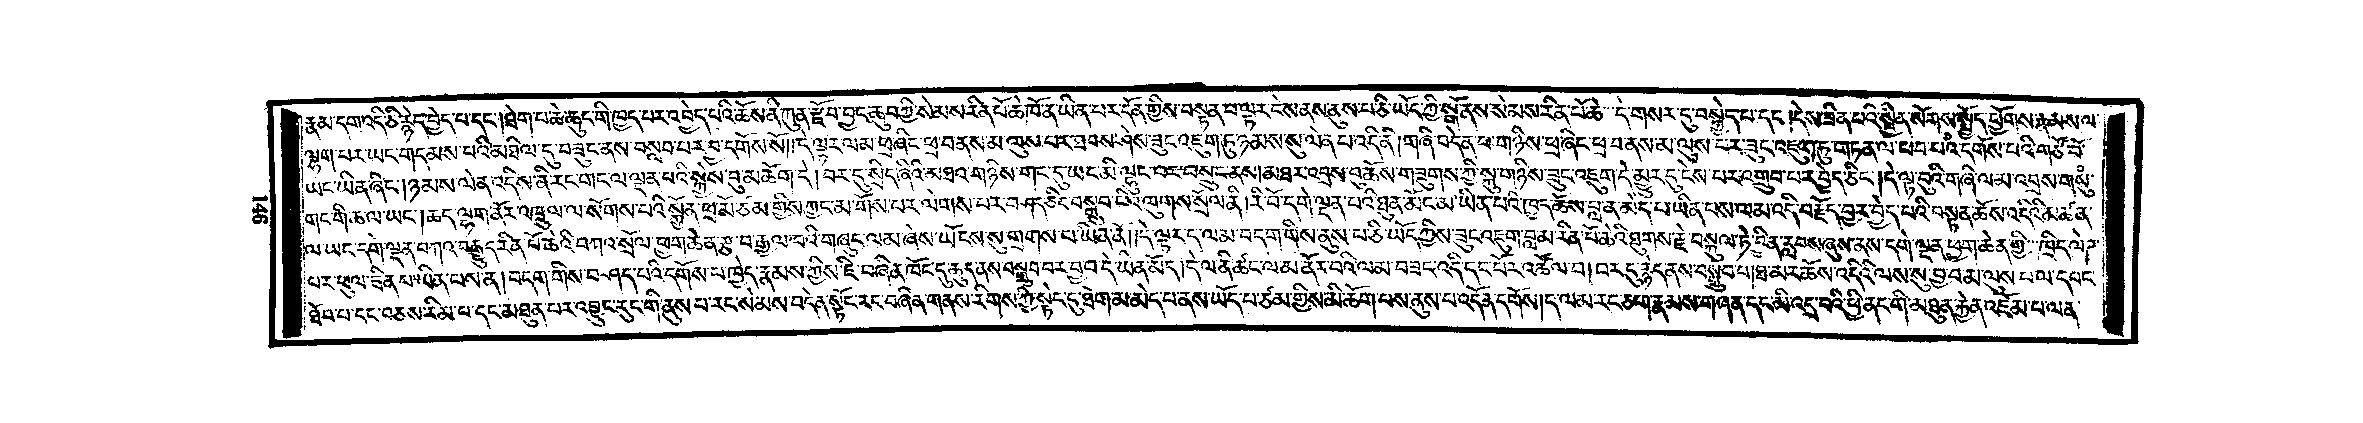རྣམ་དག་འདི་ཅི་རྙེད་བྱེད་པ་དང་། ཐེག་པ་ཆེ་ཆུང་གི་ཁྱད་པར་འབྱེད་པའི་ཆོས་ནི་ཀུན་རྫོབ་བྱང་ཆུབ་ཀྱི་སེམས་རིན་པོ་ཆེ་ཁོ་ན་ཡིན་པར་དོན་གྱིས་བསྟན་བ་ལྟར་ངེས་ནས་ནུས་པ་ཅི་ཡོད་ཀྱི་སྒོ་ནས་སེམས་རིན་པོ་ཆེ་དེ་གསར་དུ་བསྐྱེད་པ་དང་། དེས་ཟིན་པའི་སྦྱིན་སོགས་སྤྱོད་ཕྱོགས་རྣམས་ལ་
ལྷག་པར་ཡང་གདམས་པའི་མཐིལ་དུ་བཟུང་ནས་བསླབ་པར་བྱ་དགོས་སོ། །དེ་ལྟར་ལམ་ཕྲ་ཞིང་ཕྲ་བ་ནས་མ་ལུས་པར་ཐབས་ཤེས་ཟུང་འཇུག་ཏུ་ཉམས་སུ་ལེན་པ་འདི་ནི། གཞི་བདེན་པ་གཉིས་ཕྲ་ཞིང་ཕྲ་བ་ནས་མ་ལུས་པར་ཟུང་འཇུག་ཏུ་གཏན་ལ་ཕབ་པའི་དགོས་པའི་གཙོ་བོ་
ཡང་ཡིན་ཞིང་། ཉམས་ལེན་འདིས་ནི་རང་གང་ལ་ལྡན་པའི་སྐྱེས་བུ་མཆོག་དེ། བར་དུ་སྲིད་ཞིའི་མཐའ་གཉིས་གང་དུ་ཡང་མི་ལྷུང་བར་བསྲུང་ནས། མཐར་འབྲས་བུ་ཆོས་གཟུགས་ཀྱི་སྐུ་གཉིས་ཟུང་འཇུག་དེ་མྱུར་དུ་ངེས་པར་འགྲུབ་པར་བྱེད་ཅིང་། དེ་ལྟ་བུའི་གཞི་ལམ་འབྲས་གསུམ་
གང་གི་ཆ་ལ་ཡང་། ཆད་ལྷག་ནོར་འཁྲུལ་ལ་སོགས་པའི་སྐྱོན་ཕྲ་མོ་ཙམ་གྱིས་ཀྱང་མ་གོས་པར་ལེགས་པར་བཤད་ཅིང་བསྒྲུབ་པའི་ལུགས་སྲོལ་ནི། རི་བོ་དགེ་ལྡན་པའི་ཐུན་མོང་མ་ཡིན་པའི་ཁྱད་ཆོས་བླ་མ་མེད་པ་ཡིན་པས་ལམ་འདི་བརྗོད་བྱར་བྱེད་པའི་བསྟན་ཆོས་འདིའི་མཚན་
ལ་ཡང་དགེ་ལྡན་བཀའ་བརྒྱུད་རིན་པོ་ཆེའི་བཀའ་སྲོལ་ཕྱག་ཆེན་རྩ་བ་རྒྱལ་བའི་གཞུང་ལམ་ཞེས་ཡོངས་སུ་གྲགས་པ་ཡིན་ནོ། །དེ་ལྟར་ད་ལམ་བདག་གིས་ནུས་པ་ཅི་ཡོད་ཀྱིས་ཟུང་འཇུག་བླ་མ་རིན་པོ་ཆེའི་ཐུགས་རྗེ་བསྐུལ་ཏེ་བྱིན་རླབས་ཞུས་ནས་དགེ་ལྡན་ཕྱག་ཆེན་གྱི་ཁྲིད་ལེགས་
པར་ཕུལ་ཟིན་པ་ཡིན་པས་ན། བདག་གིས་བཤད་པའི་དགོས་པ་ཁྱེད་རྣམས་ཀྱིས་ཇི་བཞིན་ཁོང་དུ་ཆུད་ནས་བསྒྲུབ་པར་བྱ་བ་དེ་ཡིན་མོད། དེ་ལ་ནི་ཚང་ལ་མ་ནོར་བའི་ལམ་བཟང་འདི་དང་པོར་འཚོལ་བ། བར་དུ་རྙེད་ནས་བསྒྲུབ་པ། ཐ་མར་ཆོས་འདིའི་ལས་སུ་བྱ་བ་མ་ལུས་པ་ལ་དབང་
ཐོབ་པ་དང་བཅས་རིམ་པ་དང་མཐུན་པར་འབྱུང་རུང་གི་ནུས་པ་རང་སེམས་བདེན་སྟོང་རང་བཞིན་གནས་རིགས་ཀྱི་སྟེང་དུ་ཐེག་མ་མེད་པ་ནས་ཡོད་པ་ཙམ་གྱིས་མི་ཆོག་པས་ནུས་པ་འདོན་དགོས། ད་ལམ་རང་ཅག་རྣམས་གཞན་དང་མི་འདྲ་བའི་ཕྱི་ནང་གི་མཐུན་རྐྱེན་འཇོམ་པ་ལན་